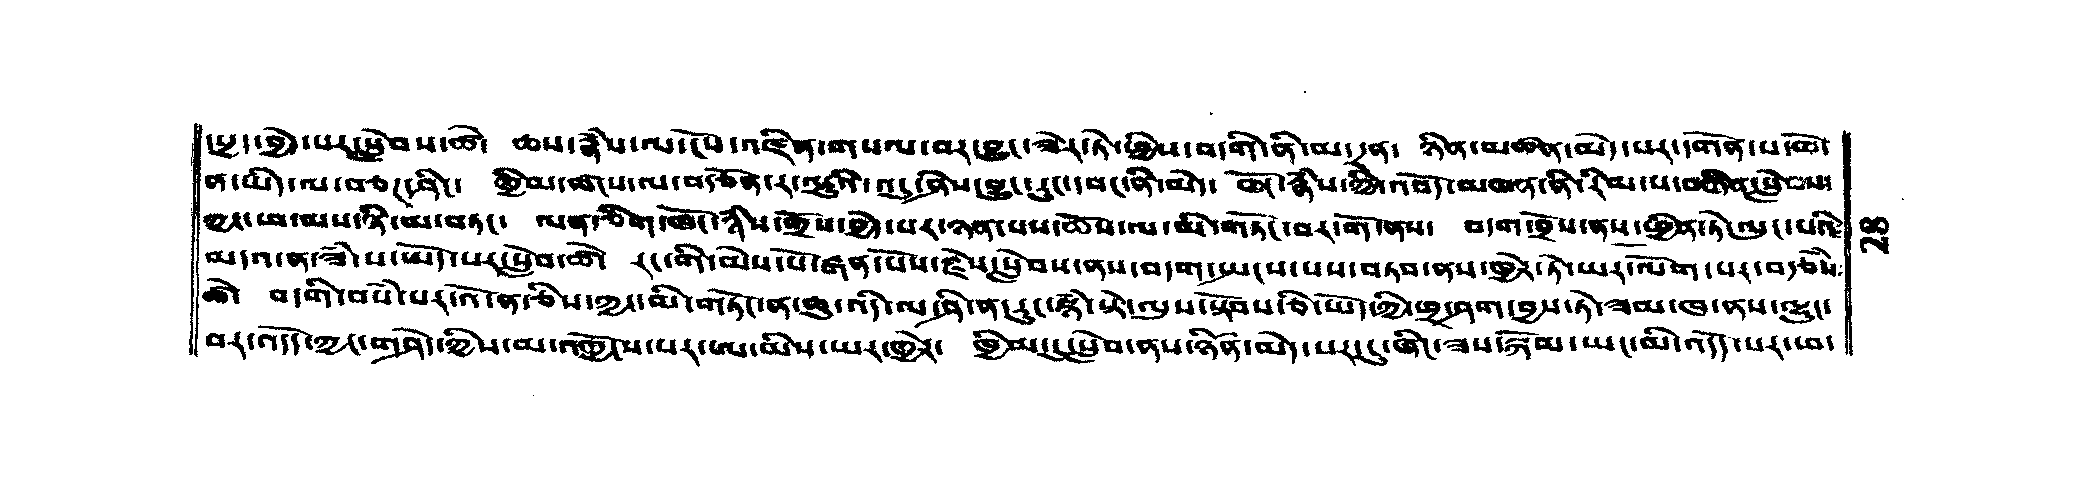དཔྱད་བྱེད་པར་སླེབས་ཚེ། ཆས་རྣམས་ལ་ངོས་འཛིན་གསལ་པོར་བྱུང་ཟེར་ཏེ་ཕྱིས་བདག་གིས་ནི་མ་དྲན། ཉིན་མཚན་མེད་པར་དགོན་པ་ཁོ་
ན་ཡིད་ལ་བཅགས་ཤིང་། ཁྱིམ་ཚང་ལ་བཙོན་ར་ལྟ་བུའི་འདུ་ཤེས་བྱུང་རུང་དབང་ནི་མེད། ཁོང་རྣམས་ཀྱི་འབོད་མཁན་ནི་རིམ་པ་བཞིན་སླེབས་
ཀྱང་ཕ་མས་ནི་མ་བཏང་། ལན་གཅིག་ཁོང་རྣམས་གྲོས་བྱེད་པར་ཉན་པས་ཆོས་ལ་མི་གཏོང་བར་གོ་ནས། བདག་བྲོས་ནས་ཕྱིན་ཏེ་ལུང་པའི་
མདའ་ན་ཟམ་པ་ཡོད་སར་སླེབ་ཚེ། རང་གི་མེས་པོ་རྒན་པོ་རྗེས་སུ་སླེབས་ནས་བདག་པང་པས་བཏབ་ནས་ཁྱེར་ཏེ་ཡར་ལོག་པར་བརྩམས་
ཚེ། བདག་གི་བསམ་པར་འོ་ན་ཅིས་ཀྱང་མི་གཏོང་ན་ཆུ་འདི་ལ་ཤི་ན་རུང་སྙམ་སྟེ་ལུས་སྟོབས་ཅི་ཡོད་ཀྱི་ཕྲ་ཤག་བྱས་ཏེ་ཟམ་ཁ་ནས་ལྷུང་
བར་འདོད་ཀྱང་ཤེད་ཀྱིས་མ་འཁྱོངས་པར་ཨ་མེས་ཡར་ཁྱེར། ཁྱིམ་དུ་སླེབས་ནས་ཉིན་མཚན་མེད་པར་ངུ་ཞིང་ཟས་སྐོམ་ཡང་མི་འདོད་པར་ཕ་